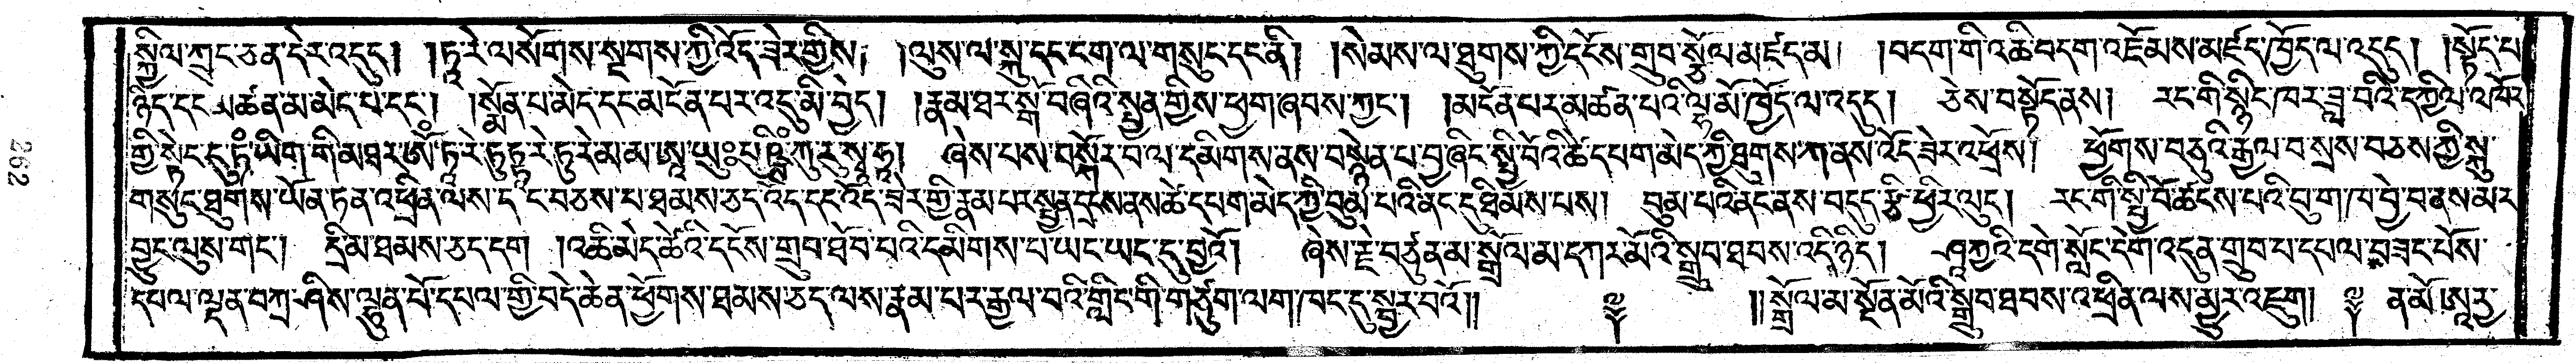སྐྱིལ་ཀྲུང་ཅན་དེར་འདུད། །ཏཱ་རེ་ལ་སོགས་སྔགས་ཀྱི་འོད་ཟེར་གྱིས། །ལུས་ལ་སྐུ་དང་ངག་ལ་གསུང་དང་ནི། །སེམས་ལ་ཐུགས་ཀྱི་དངོས་གྲུབ་སྩོལ་མཛད་མ། །བདག་གི་འཆི་བདག་འཇོམས་མཛད་ཁྱོད་ལ་འདུད། །སྟོད་པ་
ཉིད་དང་མཚན་མ་མེད་པ་དང་། །སྨོན་པ་མེད་དང་མངོན་པར་འདུ་མི་བྱེད། །རྣམ་ཐར་སྒོ་བཞིའི་སྤྱན་གྱིས་ཕྱག་ཞབས་ཀྱང་། །མངོན་པར་མཚན་པའི་ལྷ་མོ་ཁྱོད་ལ་འདུད། ཅེས་བསྟོད་ནས། རང་གི་སྙིང་ཁར་ཟླ་བའི་དཀྱིལ་འཁོར་
གྱི་སྟེང་དུ་ཏཾ་ཡིག་གི་མཐར་ཨོཾ་ཏཱ་རེ་ཏུཏྟཱ་རེ་ཏུ་རེ་མ་མ་ཨཱ་ཡུཿ པུཥྚིཾ་ཀུ་རུ་སྭཱཧཱ། ཞེས་པས་བསྐོར་བ་ལ་དམིགས་ནས་བསྙེན་པ་བྱ་ཞིང་སྤྱི་བོའི་ཚེ་དཔག་མེད་ཀྱི་ཐུགས་ཀ་ནས་འོད་ཟེར་འཕྲོས། ཕྱོགས་བཅུའི་རྒྱལ་བ་སྲས་བཅས་ཀྱི་སྐུ་
གསུང་ཐུགས་ཡོན་ཏན་འཕྲིན་ལས་དང་བཅས་པ་ཐམས་ཅད་འོད་དང་འོད་ཟེར་གྱི་རྣམ་པར་སྤྱན་དྲངས་ནས་ཚེ་དཔག་མེད་ཀྱི་བུམ་པའི་ནང་དུ་ཐིམས་པས། བུམ་པའི་ནང་ནས་བདུད་རྩི་ཕྱིར་ལུང་། རང་གི་སྤྱི་བོ་ཚངས་པའི་བུ་ག་ཁ་བྱེ་བ་ནས་མར་
བྱུང་ལུས་གང་། དྲི་མ་ཐམས་ཅད་དག །འཆི་མེད་ཚེའི་དངོས་གྲུབ་ཐོབ་པའི་དམིགས་པ་ཡང་ཡང་དུ་བྱའོ། ཞེས་རྗེ་བཙུན་མ་སྒྲོལ་མ་དཀར་མོའི་སྒྲུབ་ཐབས་འདི་ཉིད། ཤཱཀྱའི་དགེ་སློང་དགེ་འདུན་གྲུབ་པ་དཔལ་བཟང་པོས་
དཔལ་ལྡན་བཀྲ་ཤིས་ལྷུན་པོ་དཔལ་གྱི་བདེ་ཆེན་ཕྱོགས་ཐམས་ཅད་ལས་རྣམ་པར་རྒྱལ་བའི་གླིང་གི་གཙུགས་ལག་ཁང་དུ་སྦྱར་བའོ།། ༈ །།སྒྲོལ་མ་སྔོན་མོའི་སྒྲུབ་ཐབས་འཕྲིན་ལས་མྱུར་འཇུག། ༈ ན་མོ་ཨཱརྱ་